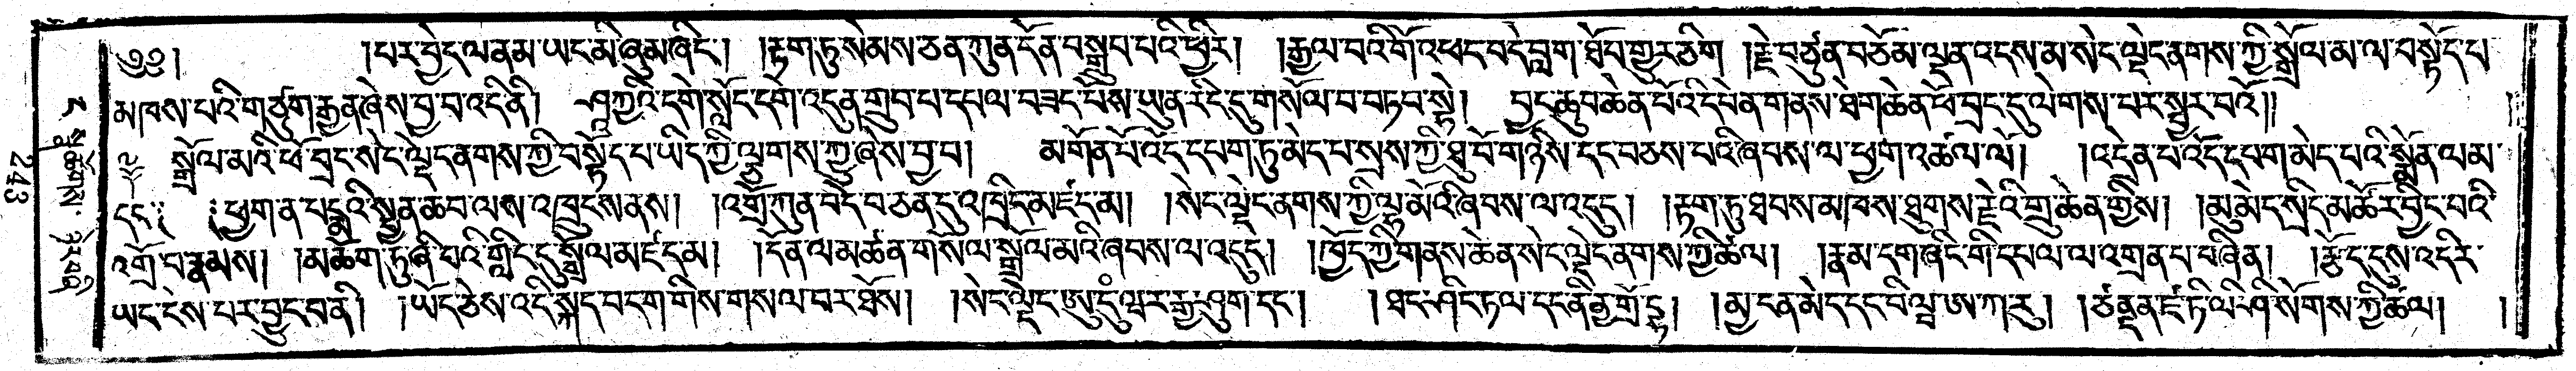༄༅། །པར་བྱེད་ལ་ནམ་ཡང་མི་ཞུམ་ཞིང་། །རྟག་ཏུ་སེམས་ཅན་ཀུན་དོན་བསྒྲུབ་པའི་ཕྱིར། །རྒྱལ་བའི་གོ་འཕང་བདེ་བླག་ཐོབ་གྱུར་ཅིག །རྗེ་བཙུན་བཅོམ་ལྡན་འདས་མ་སེང་ལྡེང་ནགས་ཀྱི་སྒྲོལ་མ་ལ་བསྟོད་པ་
མཁས་པའི་གཙུག་རྒྱན་ཞེས་བྱ་བ་འདི་ནི། ཤཱཀྱའི་དགེ་སློང་དགེ་འདུན་གྲུབ་པ་དཔལ་བཟང་པོས་ཡུན་རིང་དུ་གསོལ་བ་བཏབ་སྟེ། བྱང་ཆུབ་ཆེན་པོའི་དབེན་གནས་ཐེག་ཆེན་ཕོ་བྲང་དུ་ལེགས་པར་སྦྱར་བའོ།། །།
༈ སྒྲོལ་མའི་ཕོ་བྲང་སེང་ལྡེང་ནགས་ཀྱི་བསྟོད་པ་ཡིད་ཀྱི་ལྕགས་ཀྱུ་ཞེས་བྱ་བ། མགོན་པོ་འོད་དཔག་ཏུ་མེད་པ་སྲས་ཀྱི་ཐུ་བོ་གཉིས་དང་བཅས་པའི་ཞབས་ལ་ཕྱག་འཚལ་ལོ། །འདྲེན་པ་འོད་དཔག་མེ་དཔའི་སྨོན་ལམ་
དང༑ ༑ཕྱག་ན་པདམའི་སྤྱན་ཆབ་ལས་འཁྲུངས་ནས། །འགྲོ་ཀུན་བདེ་བ་ཅན་དུ་འཁྲིད་མཛད་མ། །སེང་ལྡེང་ནགས་ཀྱི་ལྷ་མོའི་ཞབས་ལ་འདུད། །རྟག་ཏུ་ཐབས་མཁས་ཐུགས་རྗེའི་གྲུ་ཆེན་གྱིས། །མུ་མེད་སྲིད་མཚོར་བྱིང་བའི་
འགྲོ་བ་རྣམས། །མཆོག་ཏུ་ཞི་བའི་གླིང་དུ་སྒྲོལ་མཛད་མ། །དོན་ལ་མཚན་གསོལ་སྒྲོལ་མའི་ཞབས་ལ་འདུད། །ཁྱོད་ཀྱི་གནས་ཆེན་སེང་ལྡེང་ནགས་ཀྱི་ཚལ། །རྣམ་དག་ཞིང་གི་དཔལ་ལ་འགྲན་པ་བཞིན། །རྩོད་དུས་འདིར་
ཡང་ངེས་པར་བྱུང་བ་ནི། །ཡོད་ཅེས་འདི་སྐད་བདག་གིས་གསལ་བར་ཐོས། །སེང་ལྡེང་ཨུ་དུཾ་ཝར་རྒྱ་ཤུག་དང་། །ཐང་ཤིང་ཏལ་དང་ནི་ནྱ་གྲོ་དྷ། །མྱ་ངན་མེད་དང་བི་ཝ་ཨ་ཀ་རུ། །ཙནྡན་ཛ་ཏི་ལི་ཤི་སོགས་ཀྱི་ཚལ། །